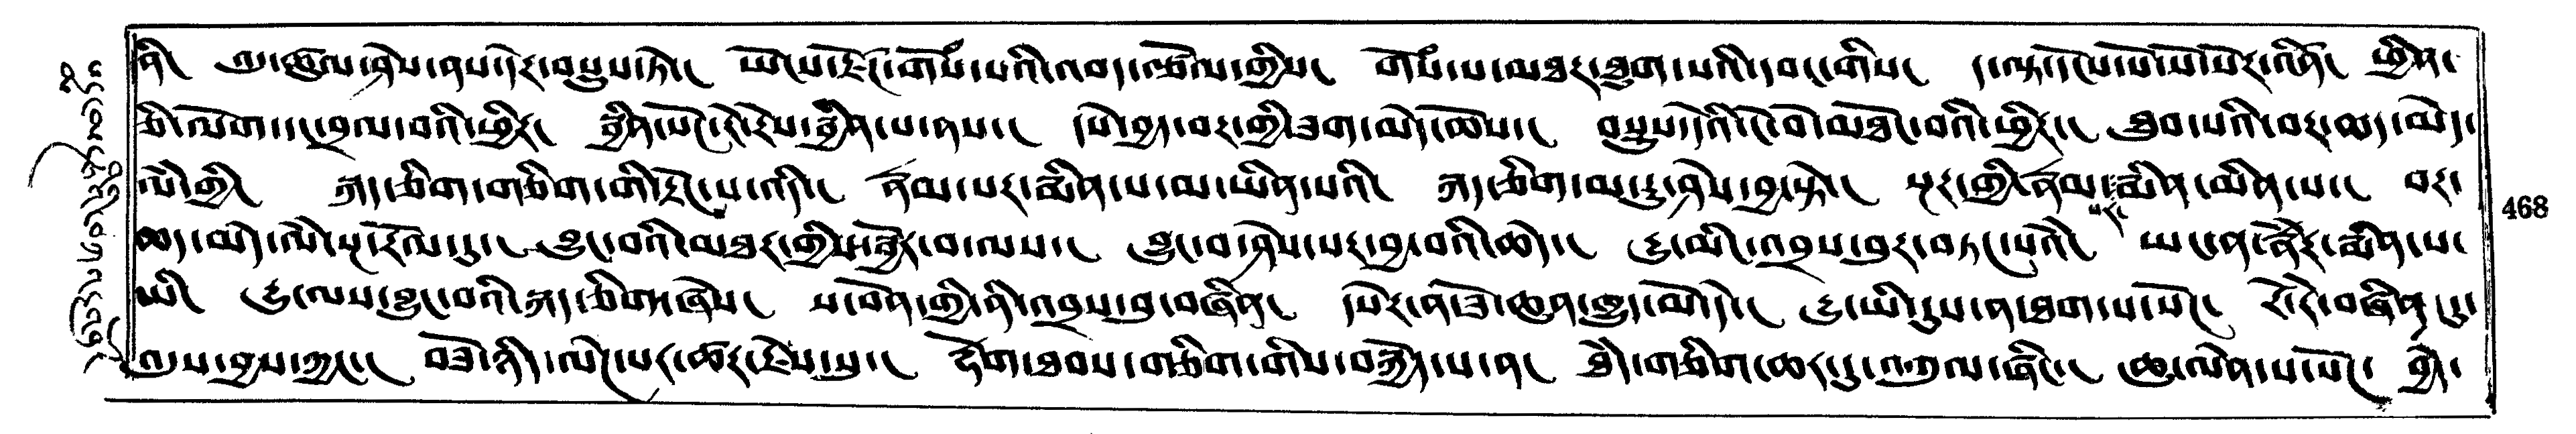ནི། །འདུ་ཚུལ་ཤེས་ནས་དེར་བསྡུས་ཏེ། །ཡོངས་རྫོགས་གོམས་པའིའབད་རྩོལ་གྱིས། །གོམས་པ་མཐར་ཐུག་པའི་དབང་གིས། །ད་ལྟ་དངོས་པོ་སོ་སོར་འཛིན། །ཕྱིན་
ཅི་ལོག་དང་བྲལ་བའི་ཕྱིར། །སྦྱིན་སོགས་རེ་རེས་སྦྱིན་པ་ནས། །དཔེ་བྱད་བར་གྱི་ཟག་མཻད་ཆོས། །བསྡུས་དེའི་ངོ་བོ་མཐོང་བའི་ཕྱིར། །ཐུབ་པའི་བར་ཆད་མེད་
ལམ་གྱི། །སྐད་ཅིག་གཅིག་གི་རྟོགས་པ་འདི། །རྣམ་པར་སྨིན་པ་མ་ཡིན་པའི། །སྐད་ཅིག་མ་རུ་ཤེས་བྱ་སྟེ། །སྔར་གྱི་རྣམ་པར་སྨིན་མིན་པ། །བར་
ཆད་མེད་ལམ་སྔ་རོལ་དུ། །བྱུང་བའི་མཐར་གྱིས་སྦྱོར་བ་ལས། །བྱུང་བ་ཤེས་པར་བྱ་བའི་ཆེད། །རྒྱུ་མིང་འབྲས་བུར་བཏགས་པའམ། །ཡང་ན་རྣམ་པར་སྨིན་པ་
ཡི། །རྒྱུ་ལས་བྱུང་བའི་སྐད་ཅིག་ཅེས། །ས་བོན་གྱི་ནི་འབྲས་བུ་བཞིན། །དཔེར་ན་ཟོ་ཆུན་འཁྱུད་མོ་དེ། །རྒྱུ་ཡི་དུས་ན་ཐག་པ་སོགས། །རེ་རེ་བཞིན་དུ་
འདུས་བྱས་ཀྱང་། །བཟོ་ཉིད་ལེགས་པར་ཚར་རྗེས་སུ། །རྡོག་ཐབས་གཅིག་གིས་བསྐྱེད་པ་ན། །ཐམས་ཅད་གཅིག་ཆར་དུ་འགུལ་ཞིང་། །ཆུ་ལེན་པ་སོགས་བྱེད་